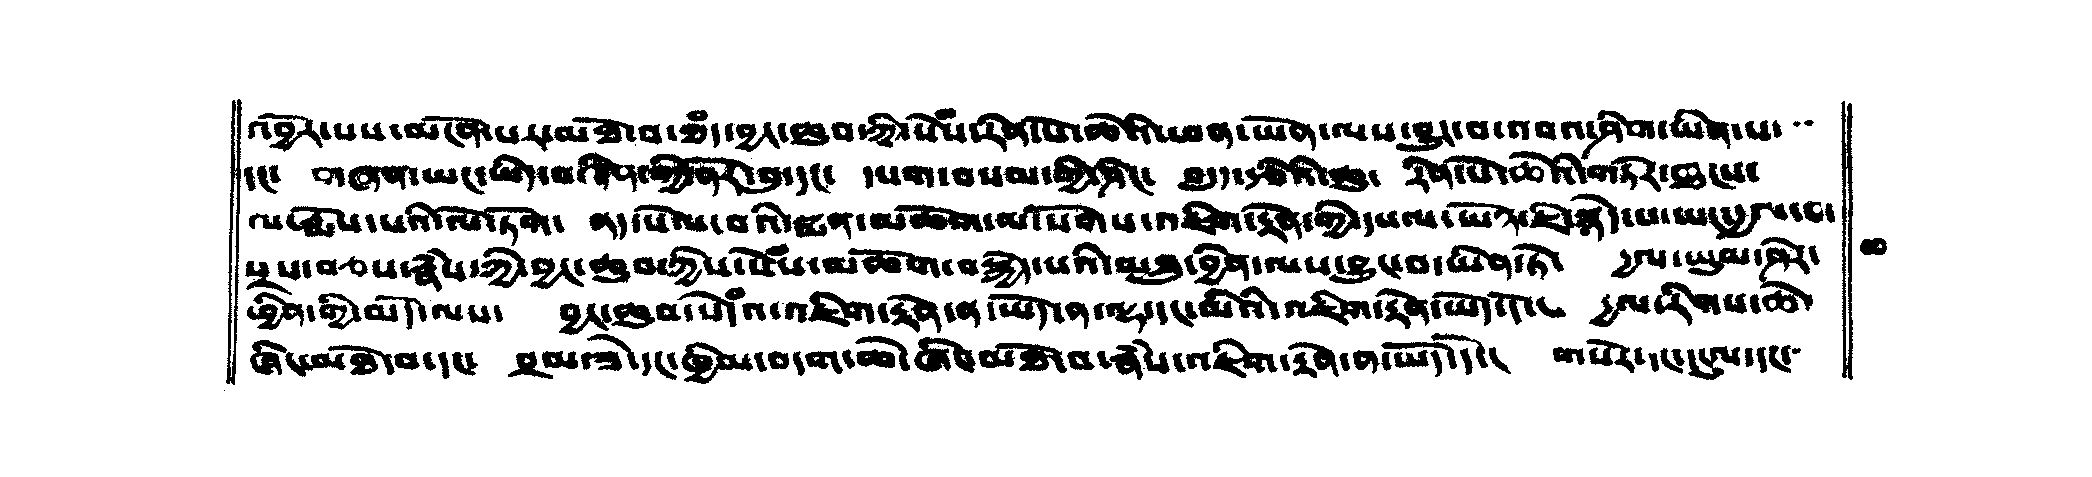འབྱོར་པས་མངོན་པར་མཐོ་བ་ཐམས་ཅད་བྱང་ཆུབ་ཀྱི་སེམས་རིན་པོ་ཆེའི་ཕན་ཡོན་ལས་བྱུང་བ་འབའ་ཞིག་ཡིན་པ་
དང་། གཞན་ཡང་ཡིད་བཞིན་གྱི་ནོར་བུ་དང་། དཔག་བསམ་གྱི་ཤིང་། བདུད་རྩིའི་ཆུ། རིན་པོ་ཆེའི་གཏེར་ཁུངས། 
མ་རྨོས་པའི་ལོ་ཏོག ནད་སེལ་བའི་སྨན་མཆོག་ལ་སོགས་འཇིག་རྟེན་གྱི་དཔལ་ཡོན་ཇི་སྙེད་པ་ཡང་རྒྱལ་བ་
སྲས་བཅས་རྣམས་ཀྱི་བྱང་ཆུབ་ཀྱིས་སེམས་མཆོག་བསྐྱེད་པའི་མཐུ་བྱིན་ལས་བྱུང་བ་ཡིན་ཏེ། རྒྱལ་ཡུམ་ཤེར་
ཕྱིན་གྱི་མདོ་ལས། བྱང་ཆུབ་སེམས་དཔའ་འཇིག་རྟེན་ན་ཡོད་ན་ལྷ་དང་མིའི་འཇིག་རྟེན་ཡོད་དོ། རྒྱལ་རིགས་ཆེ་
ཞིང་མཐོ་བ་དང་། བྲམ་ཟེ་དང་ཁྱིམ་བདག་ཆེ་ཞིང་མཐོ་བ་རྣམས་འཇིག་རྟེན་ན་ཡོད་དོ། གསེར་དང་དངུལ་དང་